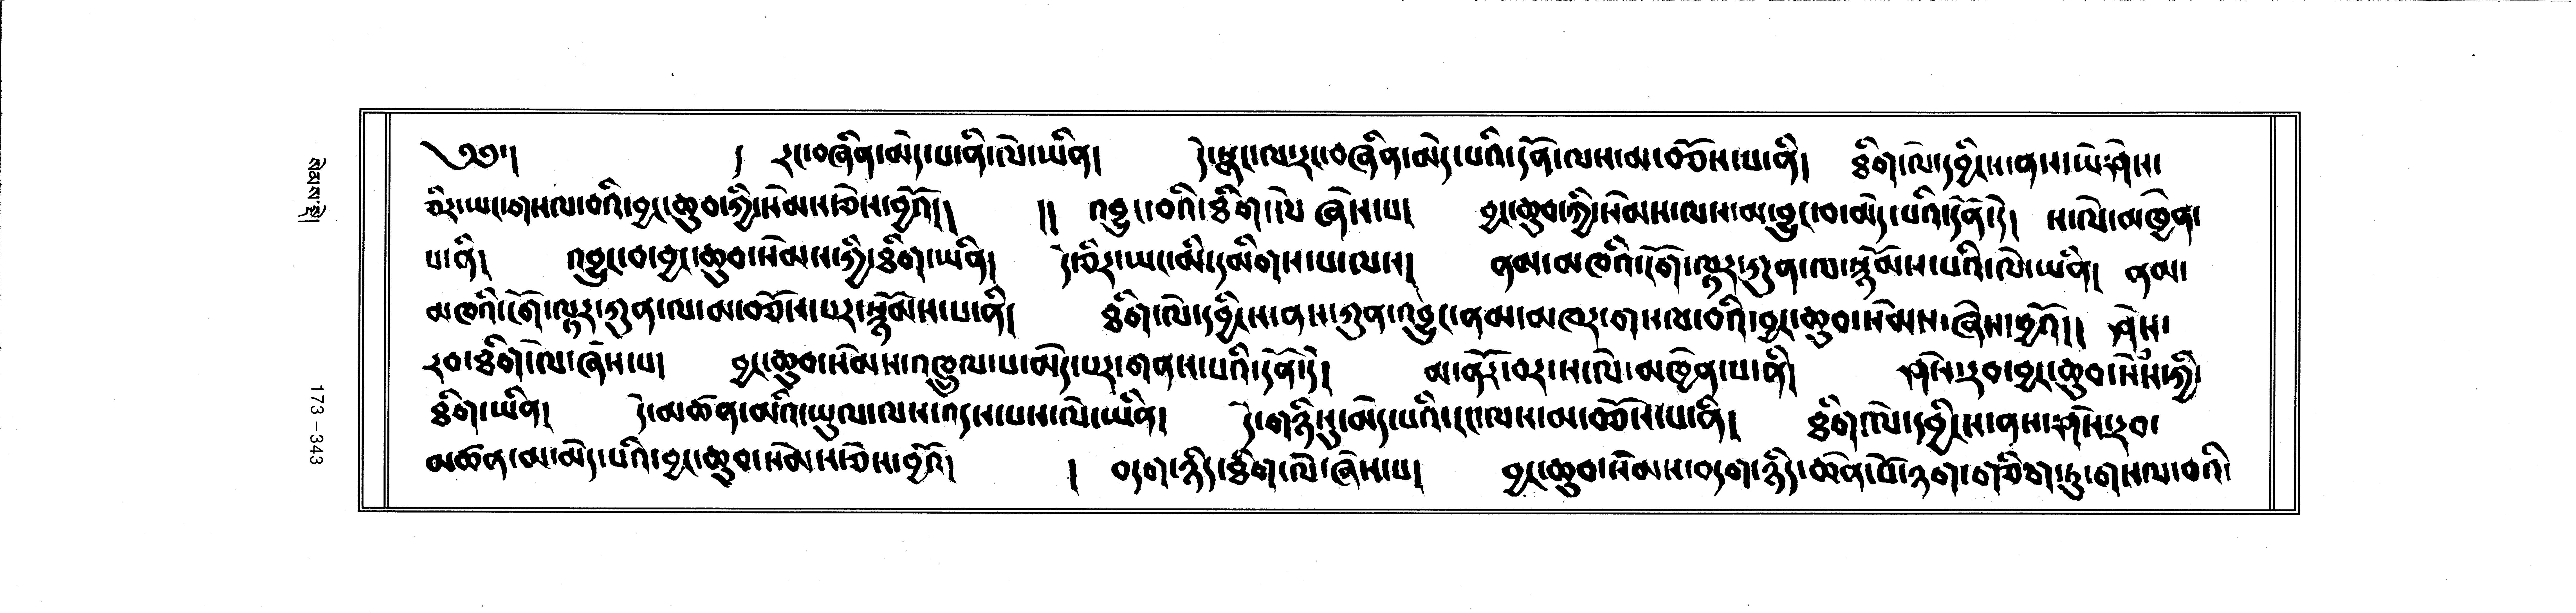རང་བཞིན་མེད་པ་ནི་ལེ་ཡིན། དེ་སྣང་ལ་རང་བཞིན་མེད་པའི་དོན་ལ་མ་བཅོས་པ་ནི། ཐིག་ལེ་དབྱིངས་ནས་ཡེ་ཤེས་
ཅིར་ཡང་གསལ་བའི་བྱང་ཆུབ་སེམས་ཅེས་བྱའོ། །འབྱུང་བའི་ཐིག་ལེ་ཞེས་པ། བྱང་ཆུབ་ཀྱི་སེམས་ལས་མ་བྱུང་བ་མེད་པའི་དོན་དེ། སལེ་མཁྱེན་
པ་ནི། འབྱུང་བ་བྱང་ཆུབ་སེམས་ཀྱི་ཐིག་ཡིན། དེ་ཅིར་ཡང་མི་དམིགས་པ་ལས། ནམ་མཁའི་ངོགས་ལྟར་ཅིར་ཡང་སྙོམས་པས་ལེ་ཡིན། ནམ་
མཁའི་ངོགས་ལྟར་ཀུན་ལ་མ་བཅོས་པར་སྙོམས་པ་ནི། ཐིག་ལེ་དབྱིངས་ནས་ཀུན་འབྱུང་ནམ་མཁར་གསལ་བའི་བྱང་ཆུབ་སེམས་ཞེས་བྱའོ། །ཤེས་
རབ་ཐིག་ལེ་ཞེས་པ། བྱང་ཆུབ་སེམས་འཁྲུལ་པ་མེད་པར་གནས་པའི་དོན་དེ། མ་ནོར་བར་སལེ་མཁྱེན་པ་ནི། ཤེས་རབ་བྱང་ཆུབ་སེམས་ཀྱི་
ཐིག་ཡིན། དེ་མཚན་མའི་ཡུལ་ལས་འདས་པས་ལེ་ཡིན། དེ་གཉིས་སུ་མེད་པའི་ངང་ལས་མ་བཅོས་པ་ནི་ཐིག་ལེ་དབྱིངས་ནས་ཤེས་རབ་
མཚན་མ་མེད་པའི་བྱང་ཆུབ་སེམས་ཅེས་བྱའོ། །བདག་ཉིད་ཐིག་ལེ་ཞེས་པ། བྱང་ཆུབ་སེམས་བདག་ཉིད་ཆེན་པོ་ཉག་གཅིག་ཏུ་གསལ་བའི་